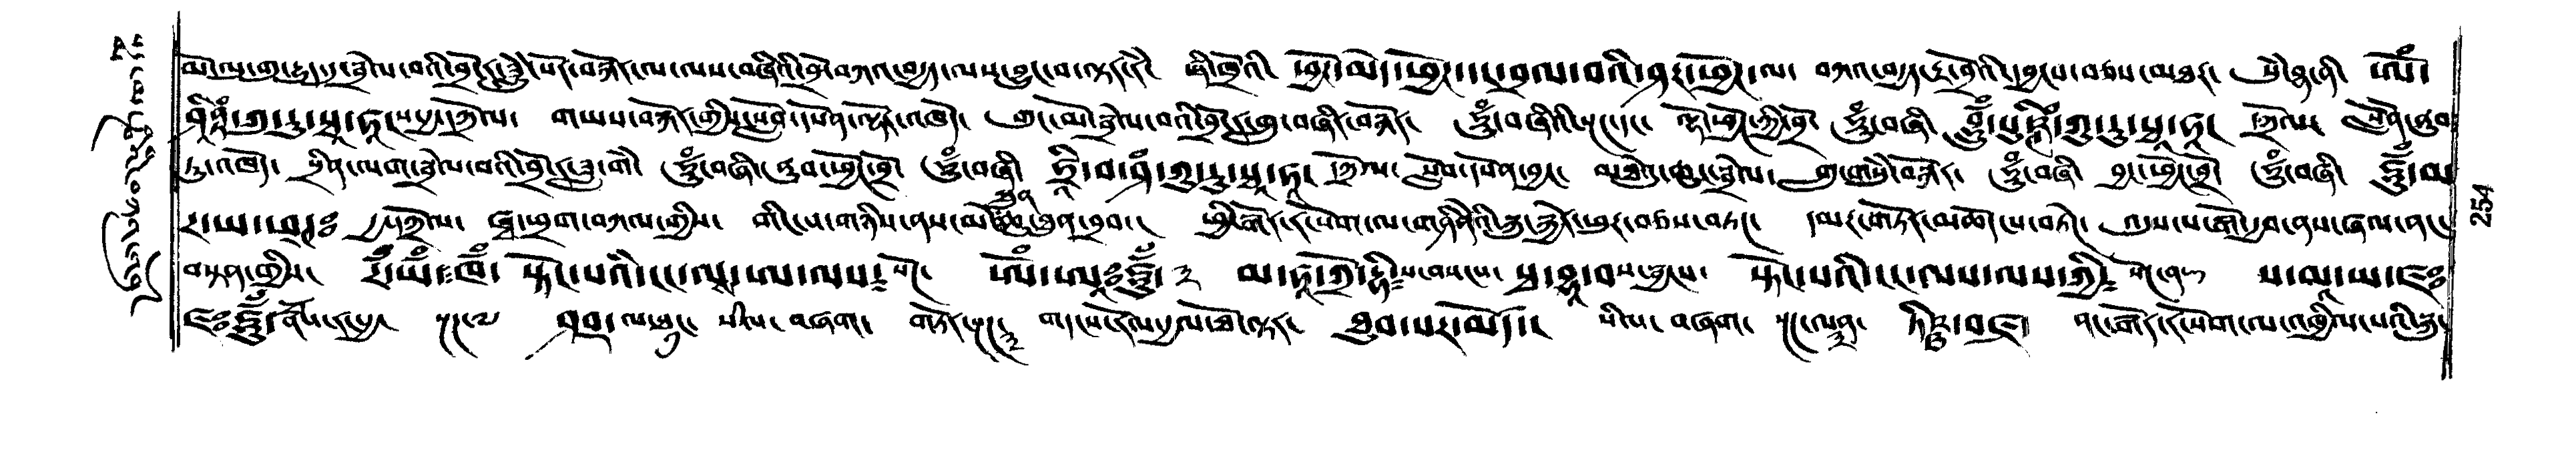མོ་ལུ་གུ་རྒྱུད་དུ་སྦྲེལ་བའི་བྲོ་ར་ཟླུམ་པོར་བསྐོར་ལ་ལས་བཞིའི་བྲོ་བཀའ་བརྒྱད་ལས་བྱུང་བ་ལྟར་རམ་ཞི་ཁྲོའི། ཕྱོགས་མེད་ཕྱོགས་དང་བྲལ་བའི་ཤར་ཕྱོགས༴ ལ་བཀའ་བརྒྱད་རྟ་བྲོའི་དབྱངས་བཅས་མཐར། སུམ་བྷ་ནི༴ ཨོཾ་
ཤིནྟཾ་ཀུ་རུ་སྭ་ཧཱ ས་རྒྱ་དགྲོལ། གཡས་བསྐོར་གྱིས་སློབ་དཔོན་ལྷོར་འཁོད། གུང་མོ་སྦྲེལ་བའི་བྲོ་ར་གྲུ་བཞིར་བསྐོར། ཧཱུྃ་བཞིའི་སྔགས་དང་། ལྷོ་ཕྱོགས་ཀྱི་བྲོ། ཧཱུྃ་བཞི། བྷྲུྃ་པུཥྚིཾ་ཀུ་རུ་སྭ་ཧཱ ས་རྒྱ་དགྲོལ། སློབ་དཔོན་ནུབ་
ཏུ་འཁོད། སྲིན་ལག་སྦྲེལ་བའི་བྲོ་ར་ཟླ་གམ། ཧཱུྃ་བཞི། ནུབ་ཕྱོགས་བྲོ། ཧཱུྃ་བཞི། ཧྲཱི་ཝ་ཤཾ་ཀུ་རུ་སྭ་ཧཱ ས་རྒྱ་དགྲོལ། སློབ་དཔོན་བྱང་། མཐེའུ་ཆུང་སྦྲེལ། གྲུ་གསུམ་བསྐོར། ཧཱུྃ་བཞི། བྱང་ཕྱོགས་བྲོ། ཧཱུྃ་བཞི། ཧཱུྃ་མ་
ར་ཡ་ཕཊཿ ཀྱིས་རྒྱ་དགྲོལ། ཞྭ་ཕྲག་བཀལ་གྱིས་གིང་པ་གཉིས་ནས་མེ་ཐུན་ཆུ་ཐུན་བྲབ། ཕྱི་སྒོར་ར་སོག་ལ་གཤིན་རྗེའི་སྐུ་སྐྱེར་ཕུར་བཅས་དམར་གཏོར་མཆོད་པ་གཏང་། འདུས་པ་སྒཽ་རྒྱབ་ནས་ཞལ་ནང་
བསྟན་གྱིས། རྃ་ཡྃ་ཁྃ། སྟོང་པའི་ངང་ལས་ཨ་ལས༴ སོགས། ཨོཾ་ཨཱཿཧཱུྃ་གསུམ། མ་ཧཱ་ཀྲོ་དྷི ས་བསང་། སྭ་བྷཱ་ཝས་སྦྱངས། སྟོང་པའི་ངང་ལས་ལས་ཀྱི༴ སོགས་ནས། ས་མཱ་ཡ་ཛཿ
ཛཿཧཱུྃ་རྣམས་རང་རྒྱ། སྔགས་བདུན། ཤབྡ་ལ་ཐིང་གཅིག ཟིལ། བཞག གཏོར་སྔགས་གསུམ། གདངས་རོལ་རྒྱལ་ཐོ་ལྟར། ཐུབ་པར་མཛོད། ཟིལ་བཞག སྔགས་ལན་གསུམ། ཏིཥྛ་བཛྲ། ནང་སྒོར་ར་སོག་ལ་འཁྱིལ་པའི་སྐུ་